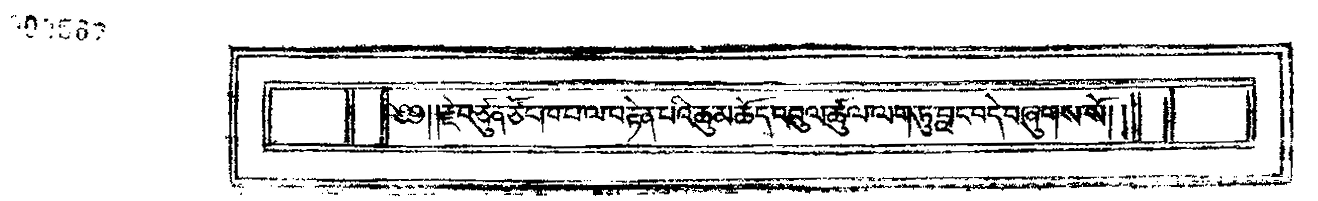༄༅། །རྗེ་བཙུན་ཙོང་ཁ་པ་ལ་བརྟེན་པའི་ཆུ་མཆོད་འབུལ་ཚུལ་ལག་ཏུ་བླང་བདེ་བཞུགས་སོ། །